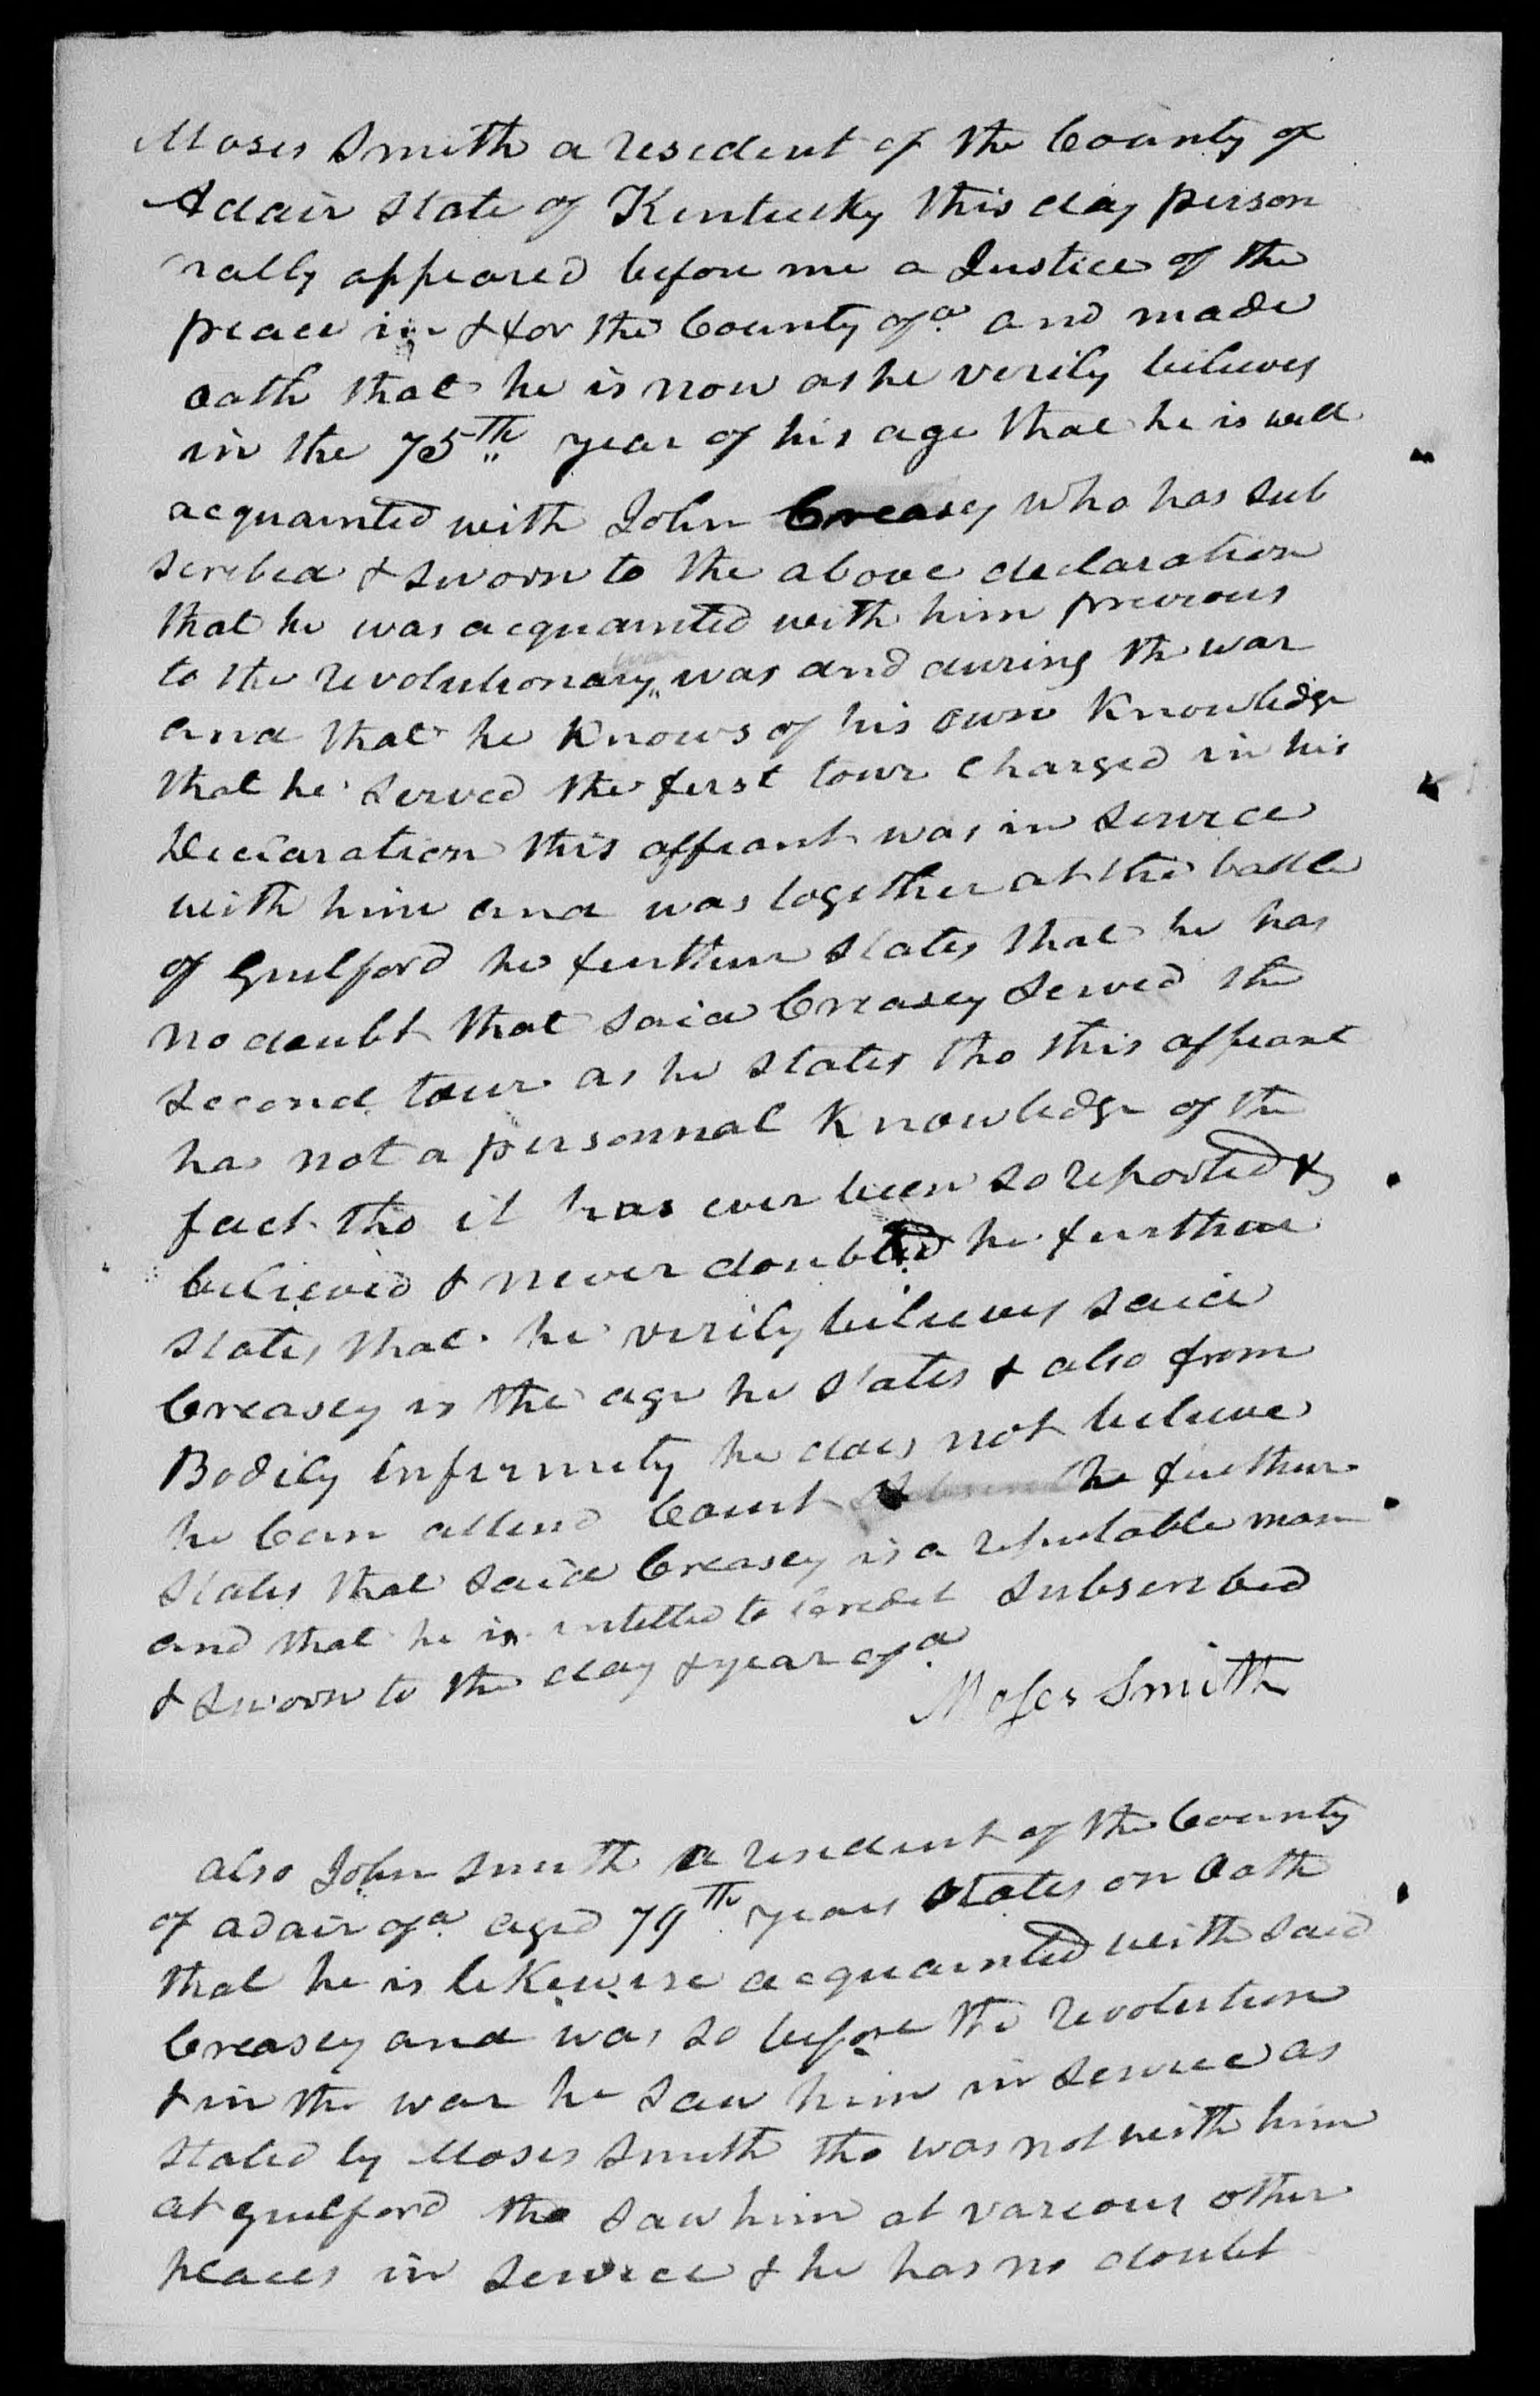Moses Smith a resident of the County of 
Adair state of Kentucky this day person
=ally approved before me a Justice of the
peace in & for the County afd. [aforesaid] and made 
oath that he is now as he verily believes 
in the 75th year of his age that he is well acquainted with John Creasey who has sub
scribed & sworn to the above declaration 
that he was acquainted with him previous 
to the revolutionary war and during the war and that he knows of his own knowledge  
that he served the first tour charged in his Declaration this affiant was in service 
with him and was together at the battle 
of Guilford he further states that he has 
no doubt that said Creasey served the 
second tour as he states tho this affiant has not a personnal knowledge of the 
fact tho it has ever been so reported & believed & never doubted he further 
states that he verily believes said
Creasey is the age he states & also from bodily infirmity he does not believe 
he can attend Court he further 
states that said Creasey is a reputable man and that he is intitled [entitled] to credit subscribed
& sworn to the day & year afd [aforesaid] Moses Smith

also John Smith a resident of the County 
of Adair afd [aforesaid] aged 79th years states on oath 
that he is likewise acquainted with said Creasey and was so before the Revolution 
& in the war he saw him in service as stated by Moses Smith tho was not with him 
at Guilford he saw him of various other places in service & has no doubt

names: Moses Smith, Creasey, Creasey, Moses Smith, Moses Smith, John Creasey, John Smith, Creasey, Creasey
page: 9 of 16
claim: survivor's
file: S. 37,877, John Creasey, Va.